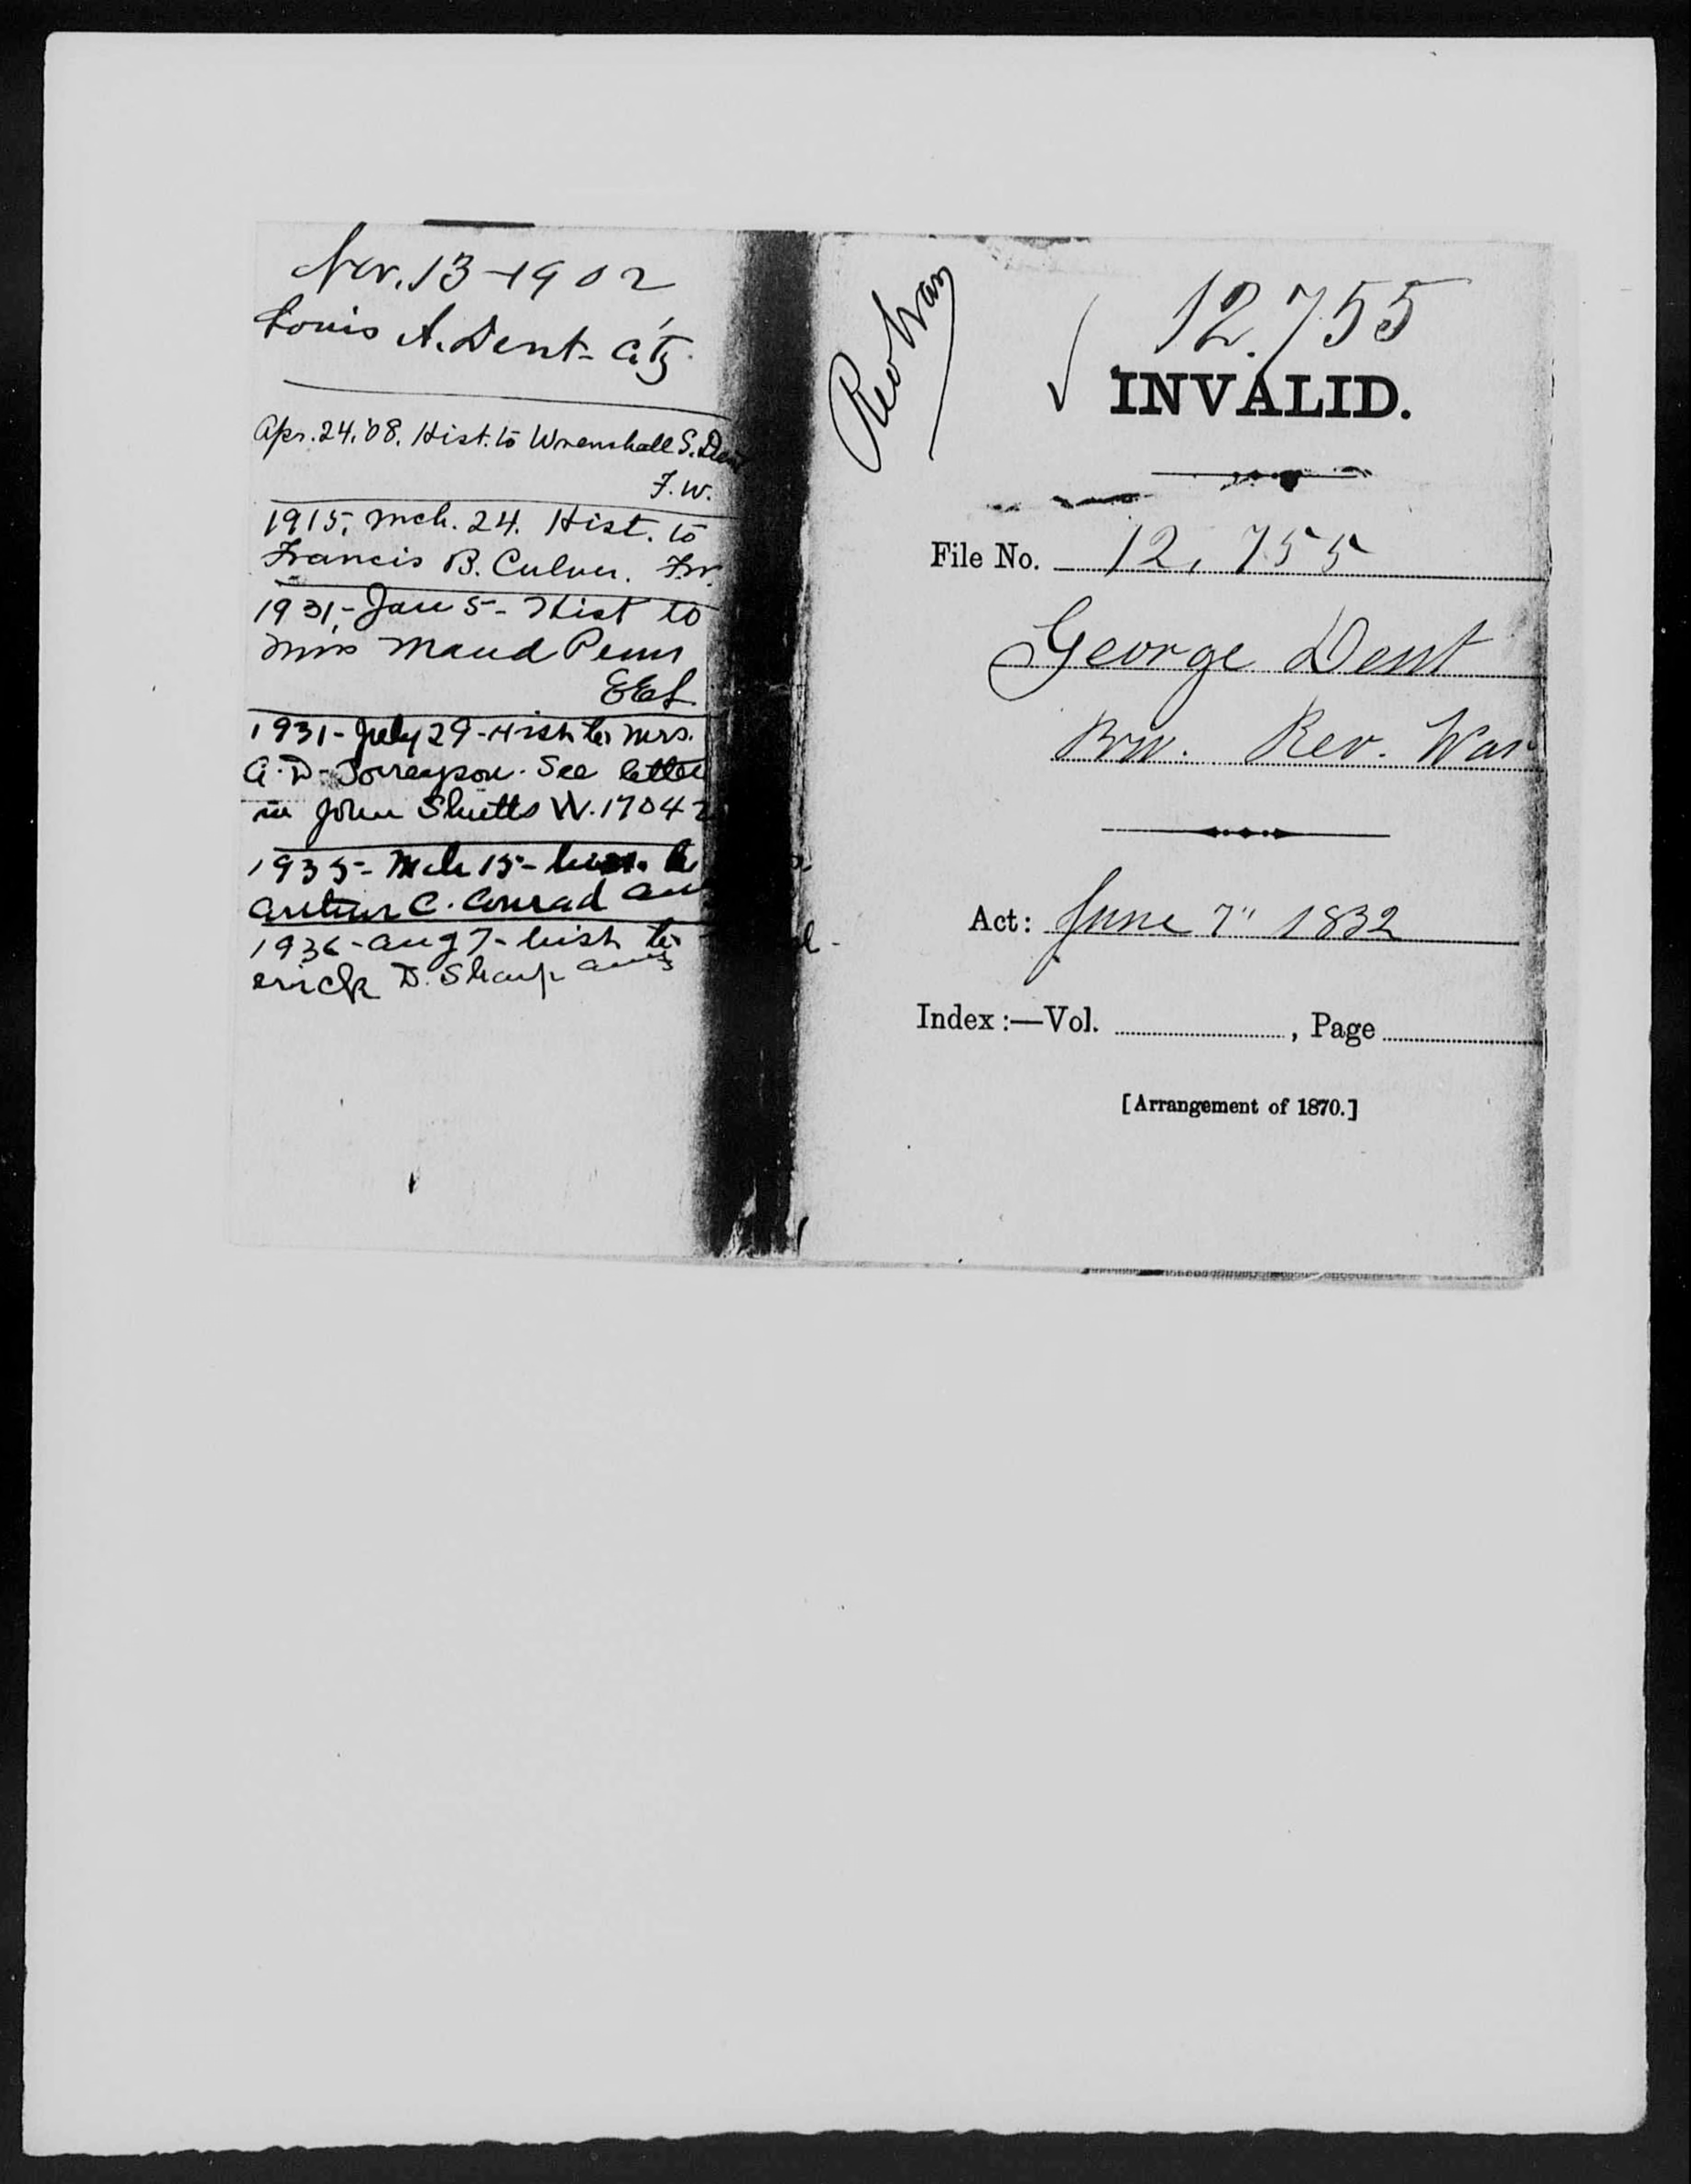File no. 12755
George Dent
[illegible] Rev. War

Act:  June 7 1832
Index:--Vol. [blank], Page[blank]
[Arrangement of 1870]
[Handwritten on left side]
Per 13-1902 Louis A. Dent. City
Apr. 24, '08. Hist to Wrenshall S. Dent F.W.
1915. Mch. 24. Hist. to Francis B. Culver. F.W.
1931 Jan 5- Hist to Mrs. Maud Penn E[illegible]
1931 - July 29- Hist to Mrs. A.D. Torreyson. See letter in John Shutts W. 17042
1935 = Mch 15-[illegible]Arthur C. Conrad[illegible]
1936- Aug 7- hist to erick D. Sharp any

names: Wrenshall S Dent, Maud Penn, John Shutts, George Dent, Francis B Culver, A D Torreyson, Arthur C Conrad, Frederick D Sharp, Louis A Dent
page: 35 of 49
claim: survivor's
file: S. 12755, George Dent, Md.